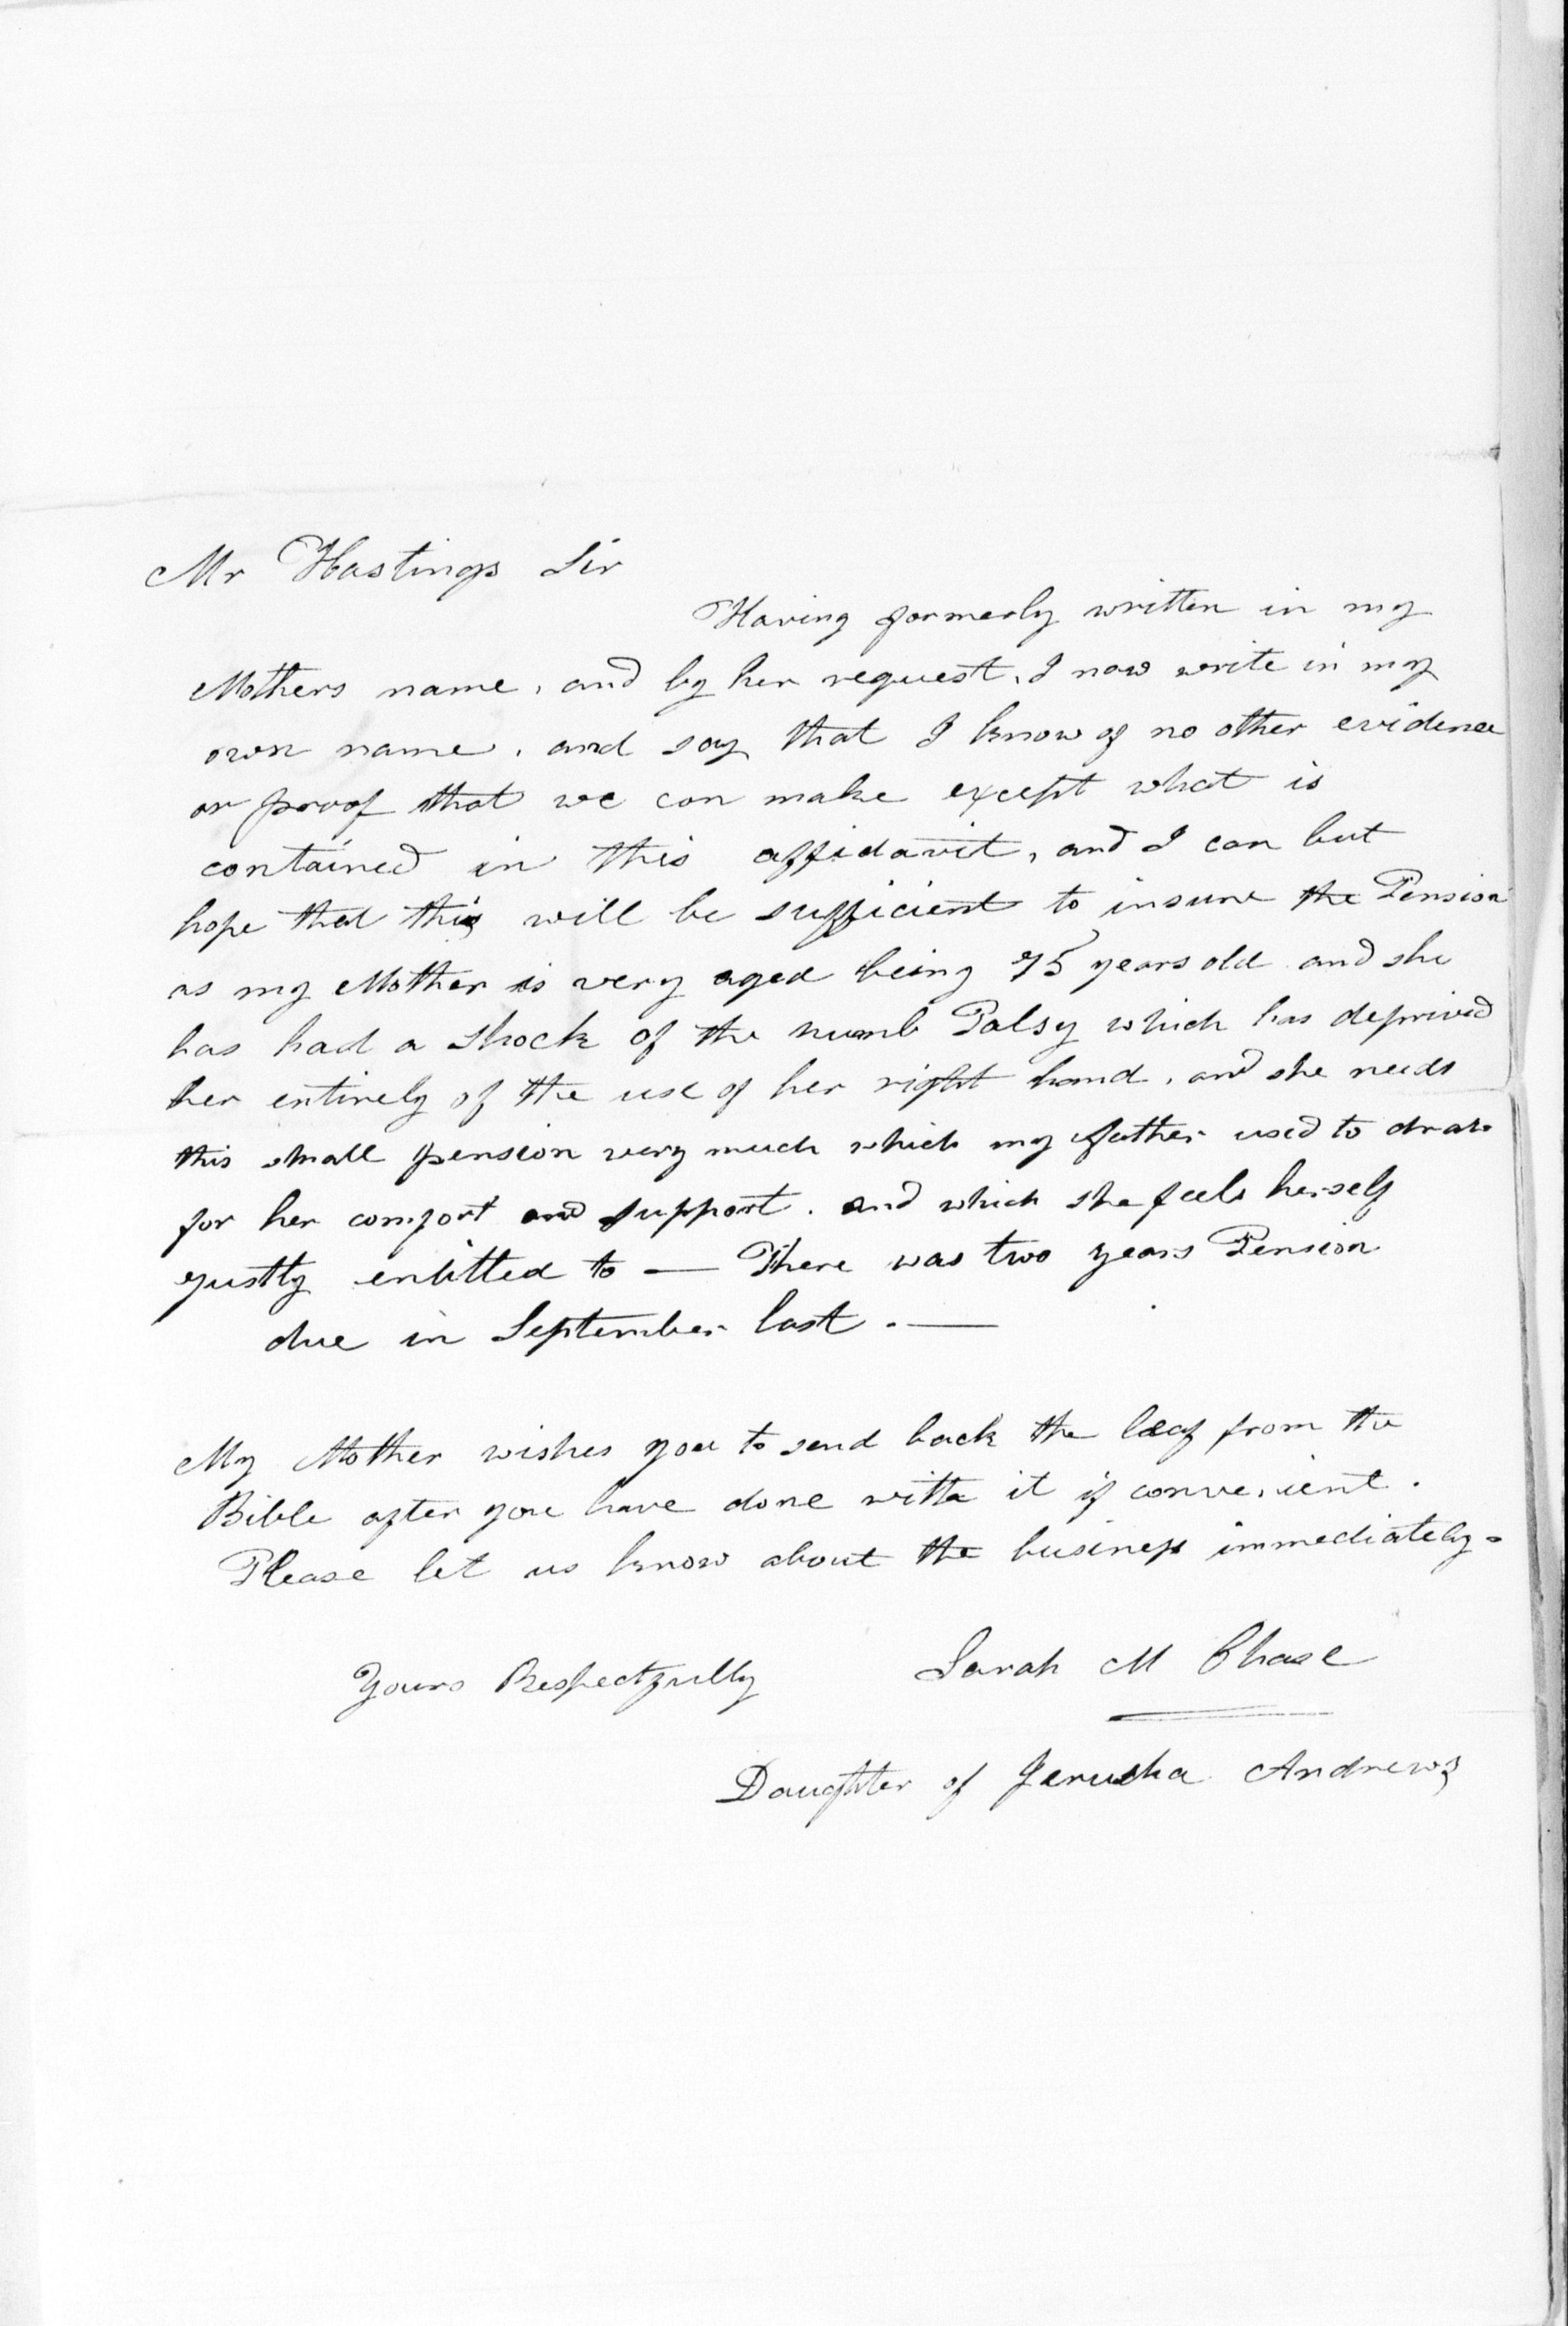Mr Hastings Sir
Having formerly written in my
Mothers name, and by her request, I now write in my
own name, and say that I know of no other evidence 
or proof that we can make except what is
contained in this affidavit, and I can but
hope that this will be sufficient to insure the Pension
as my Mother is very aged being 75 years old and she
has had a shock of the numb Palsy which has deprived
her entirely of the use of her right hand, and she needs
this shall pension very much which my father used to draw
for her comfort and support, and which she feels herself
justly entitled to There was two years pension
due in September last
My Mother wishes you to send back the leaf from the
Bible after you have done with it if convenient
Please let us know about the business immediately-
Yours Respectfully
Sarah M Chase
Daughter of Jerusha Andrews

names: Jerusha Andrews, Sarah M Chase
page: 13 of 78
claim: widow's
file: W. 4117, Nathaniel Bradley, Conn.